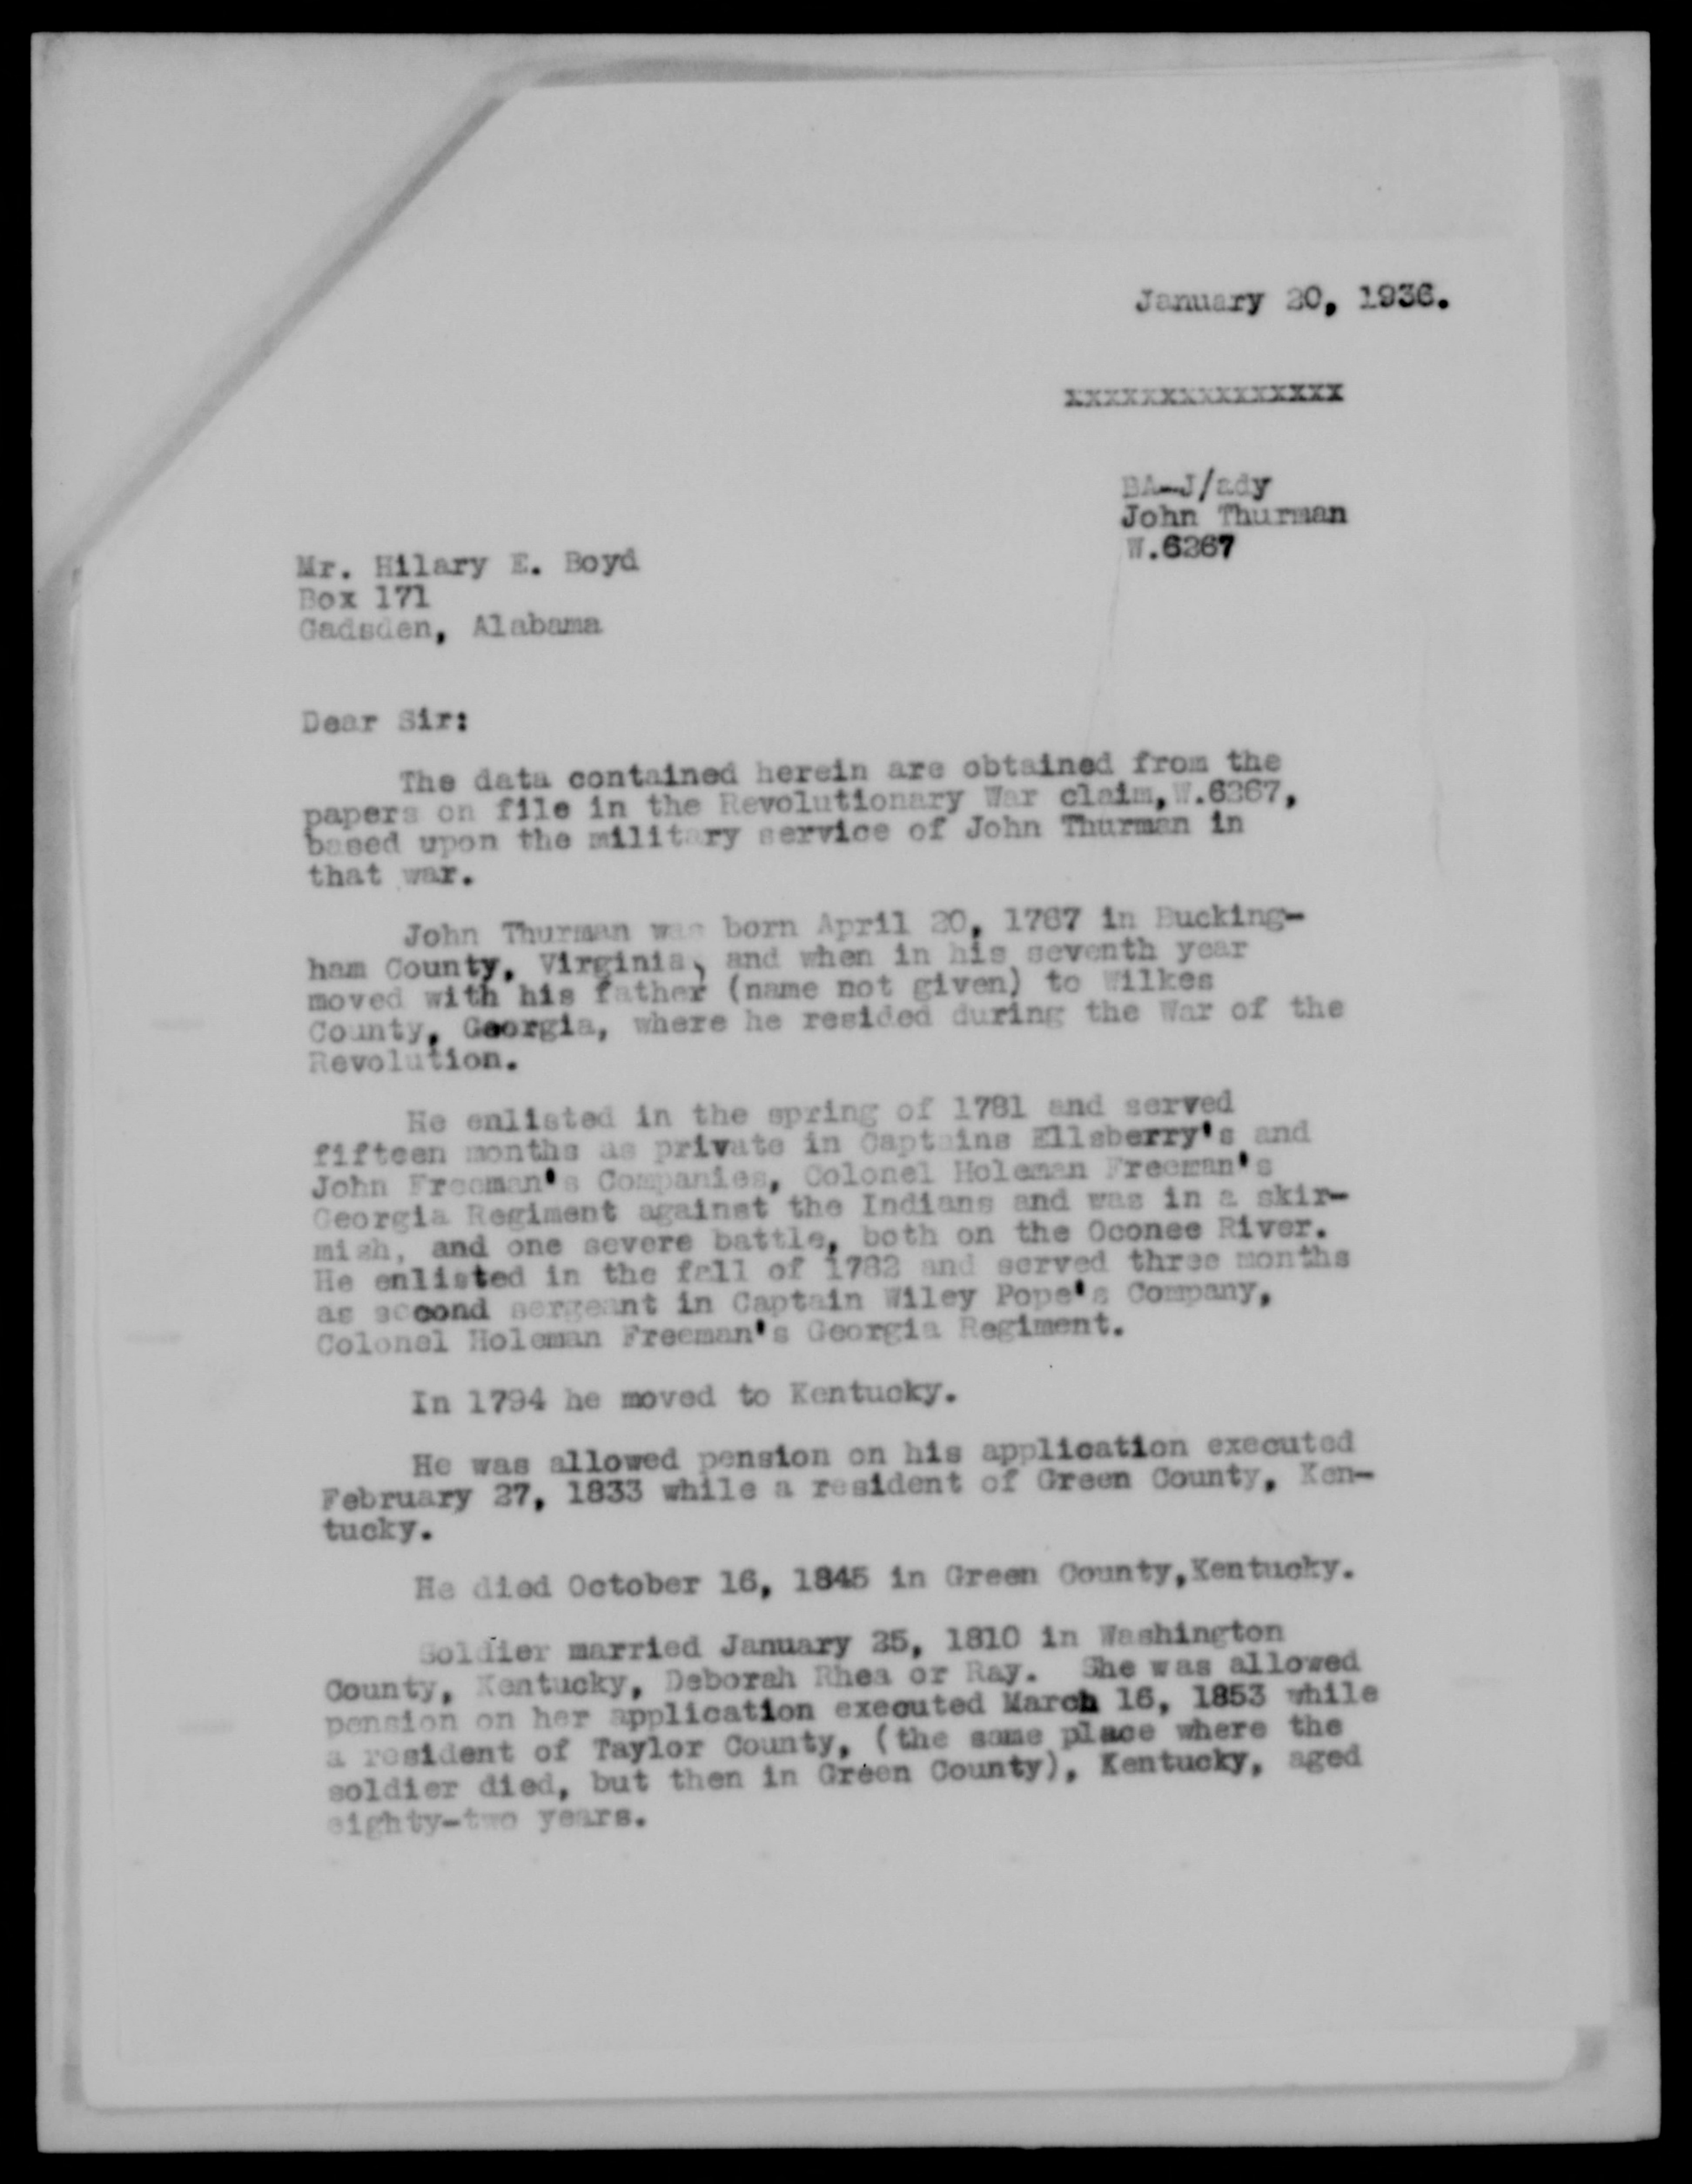January 20, 1936.
XXXXXXXXXXXXXXX
BA-J/ady
John Thurman
W.6267

Mr. Hilary E. Boyd
Box 171
Gadsden, Alabama

Dear Sir:
The data contained herein are obtained from the
papers on file in the Revolutionary War claim, W.6267,
based upon the military service of John Thurman in
that war.
John Thurman was born April 20, 1767 in Buckingham
County, Virginia, and when in his seventh year
moved with his father (name not given) to Wilkes
County, Georgia, where he resided during the War of the
Revolution.
He enlisted in the spring of 1781 and served
fifteen months as private in Captains Ellsberry's and
John Freeman's Companies, Colonel Holeman Freeman's
Georgia Regiment against the Indians and was in a skirmish, and one severe battle, both on the Oconee River.
He enlisted in the fall of 1782 and served three months
as second sergeant in Captain Wiley Pope's Company,
Colonel Holeman Freeman's Georgia Regiment.
In 1794 he moved to Kentucky.
He was allowed pension on his application executed
February 27, 1833 while a resident of Green County, Kentucky.
He died October 16, 1845 in Green County, Kentucky.
Soldier married January 25, 1810 in Washington
County, Kentucky, Deborah Rhea or Ray. She was allowed
pension on her application executed March 16, 1853 while a
resident of Taylor County, (the same place where the
soldier died, but then in Green County), Kentucky, aged
eighty-two years.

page: 46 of 53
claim: widow's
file: W. 6,267, for John Thurman, Georgia